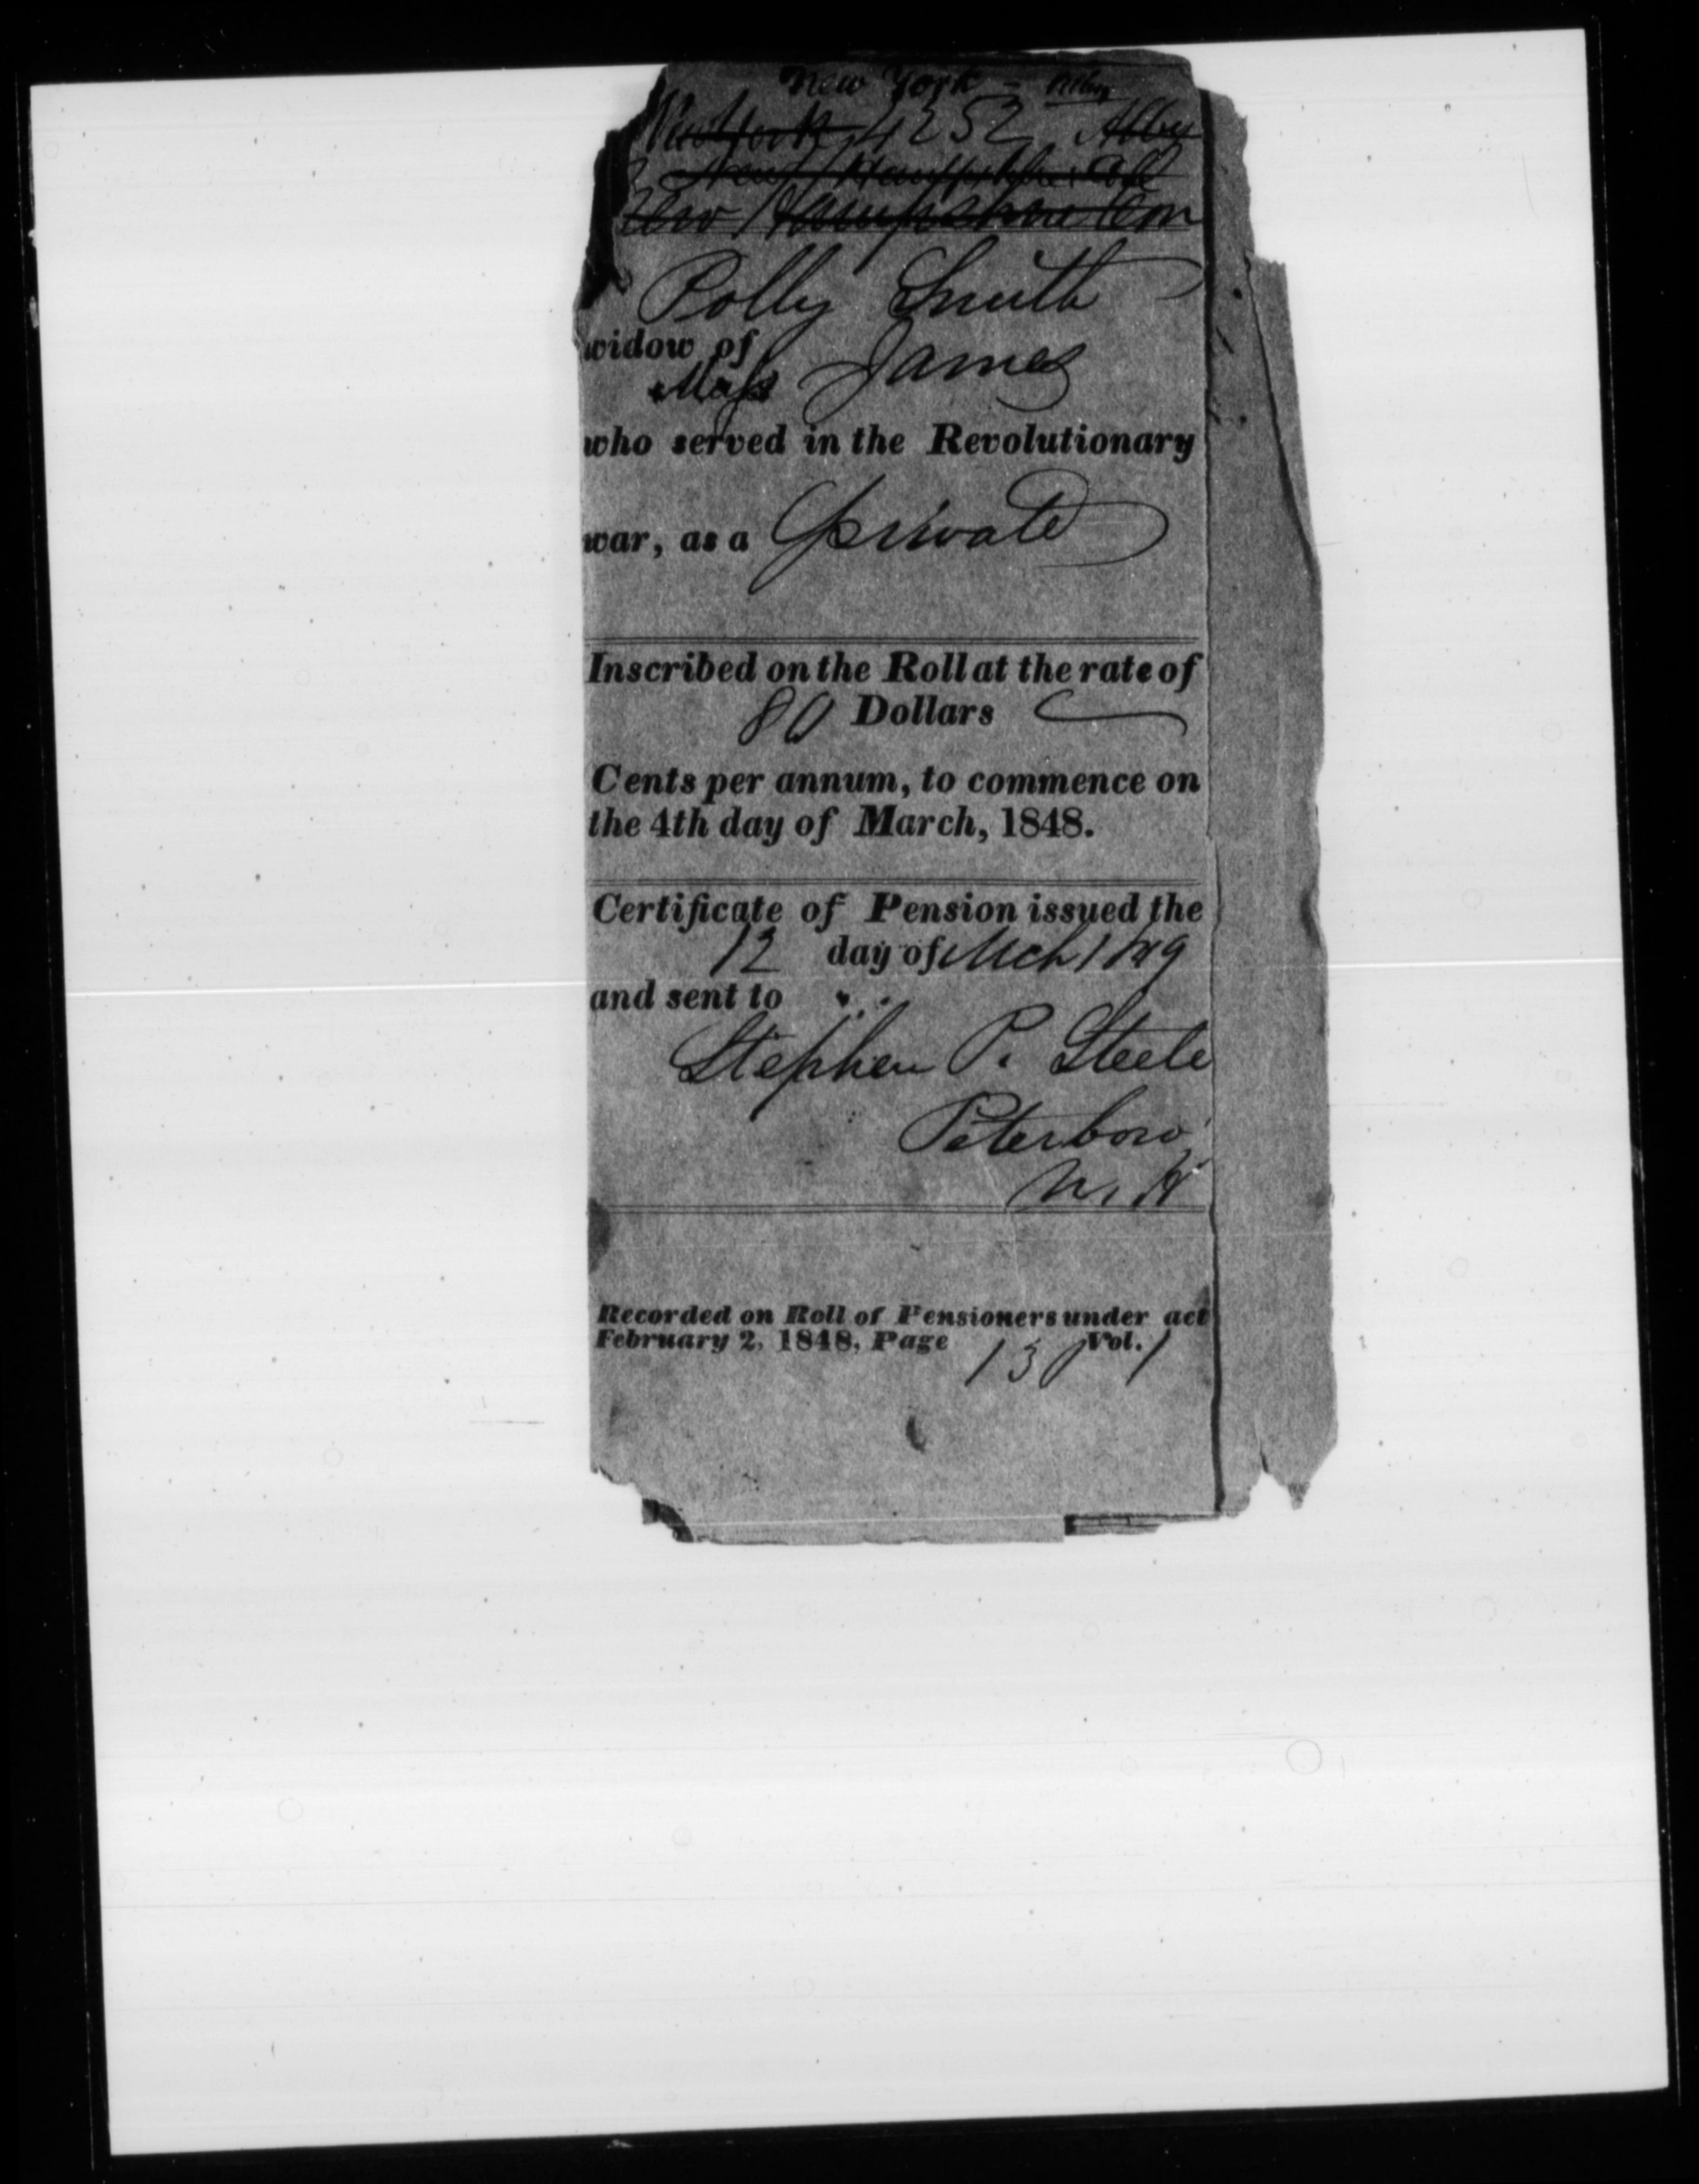Polly Smith widow of --- James who served in the Revolutionary War as a Private
Inscribed on the Roll of the rate of 80 dollars
Cents per annum of commence on the 4th day of March, 1848.
Certificate of Pension issued the 12 day of March 1849 and sent to Stephen P. Steele Peterboro Mass.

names: James Smith; Stephen P Steele; Polly Smith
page: 3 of 55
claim: widow's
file: W 19058, for James Smith, Massachusetts